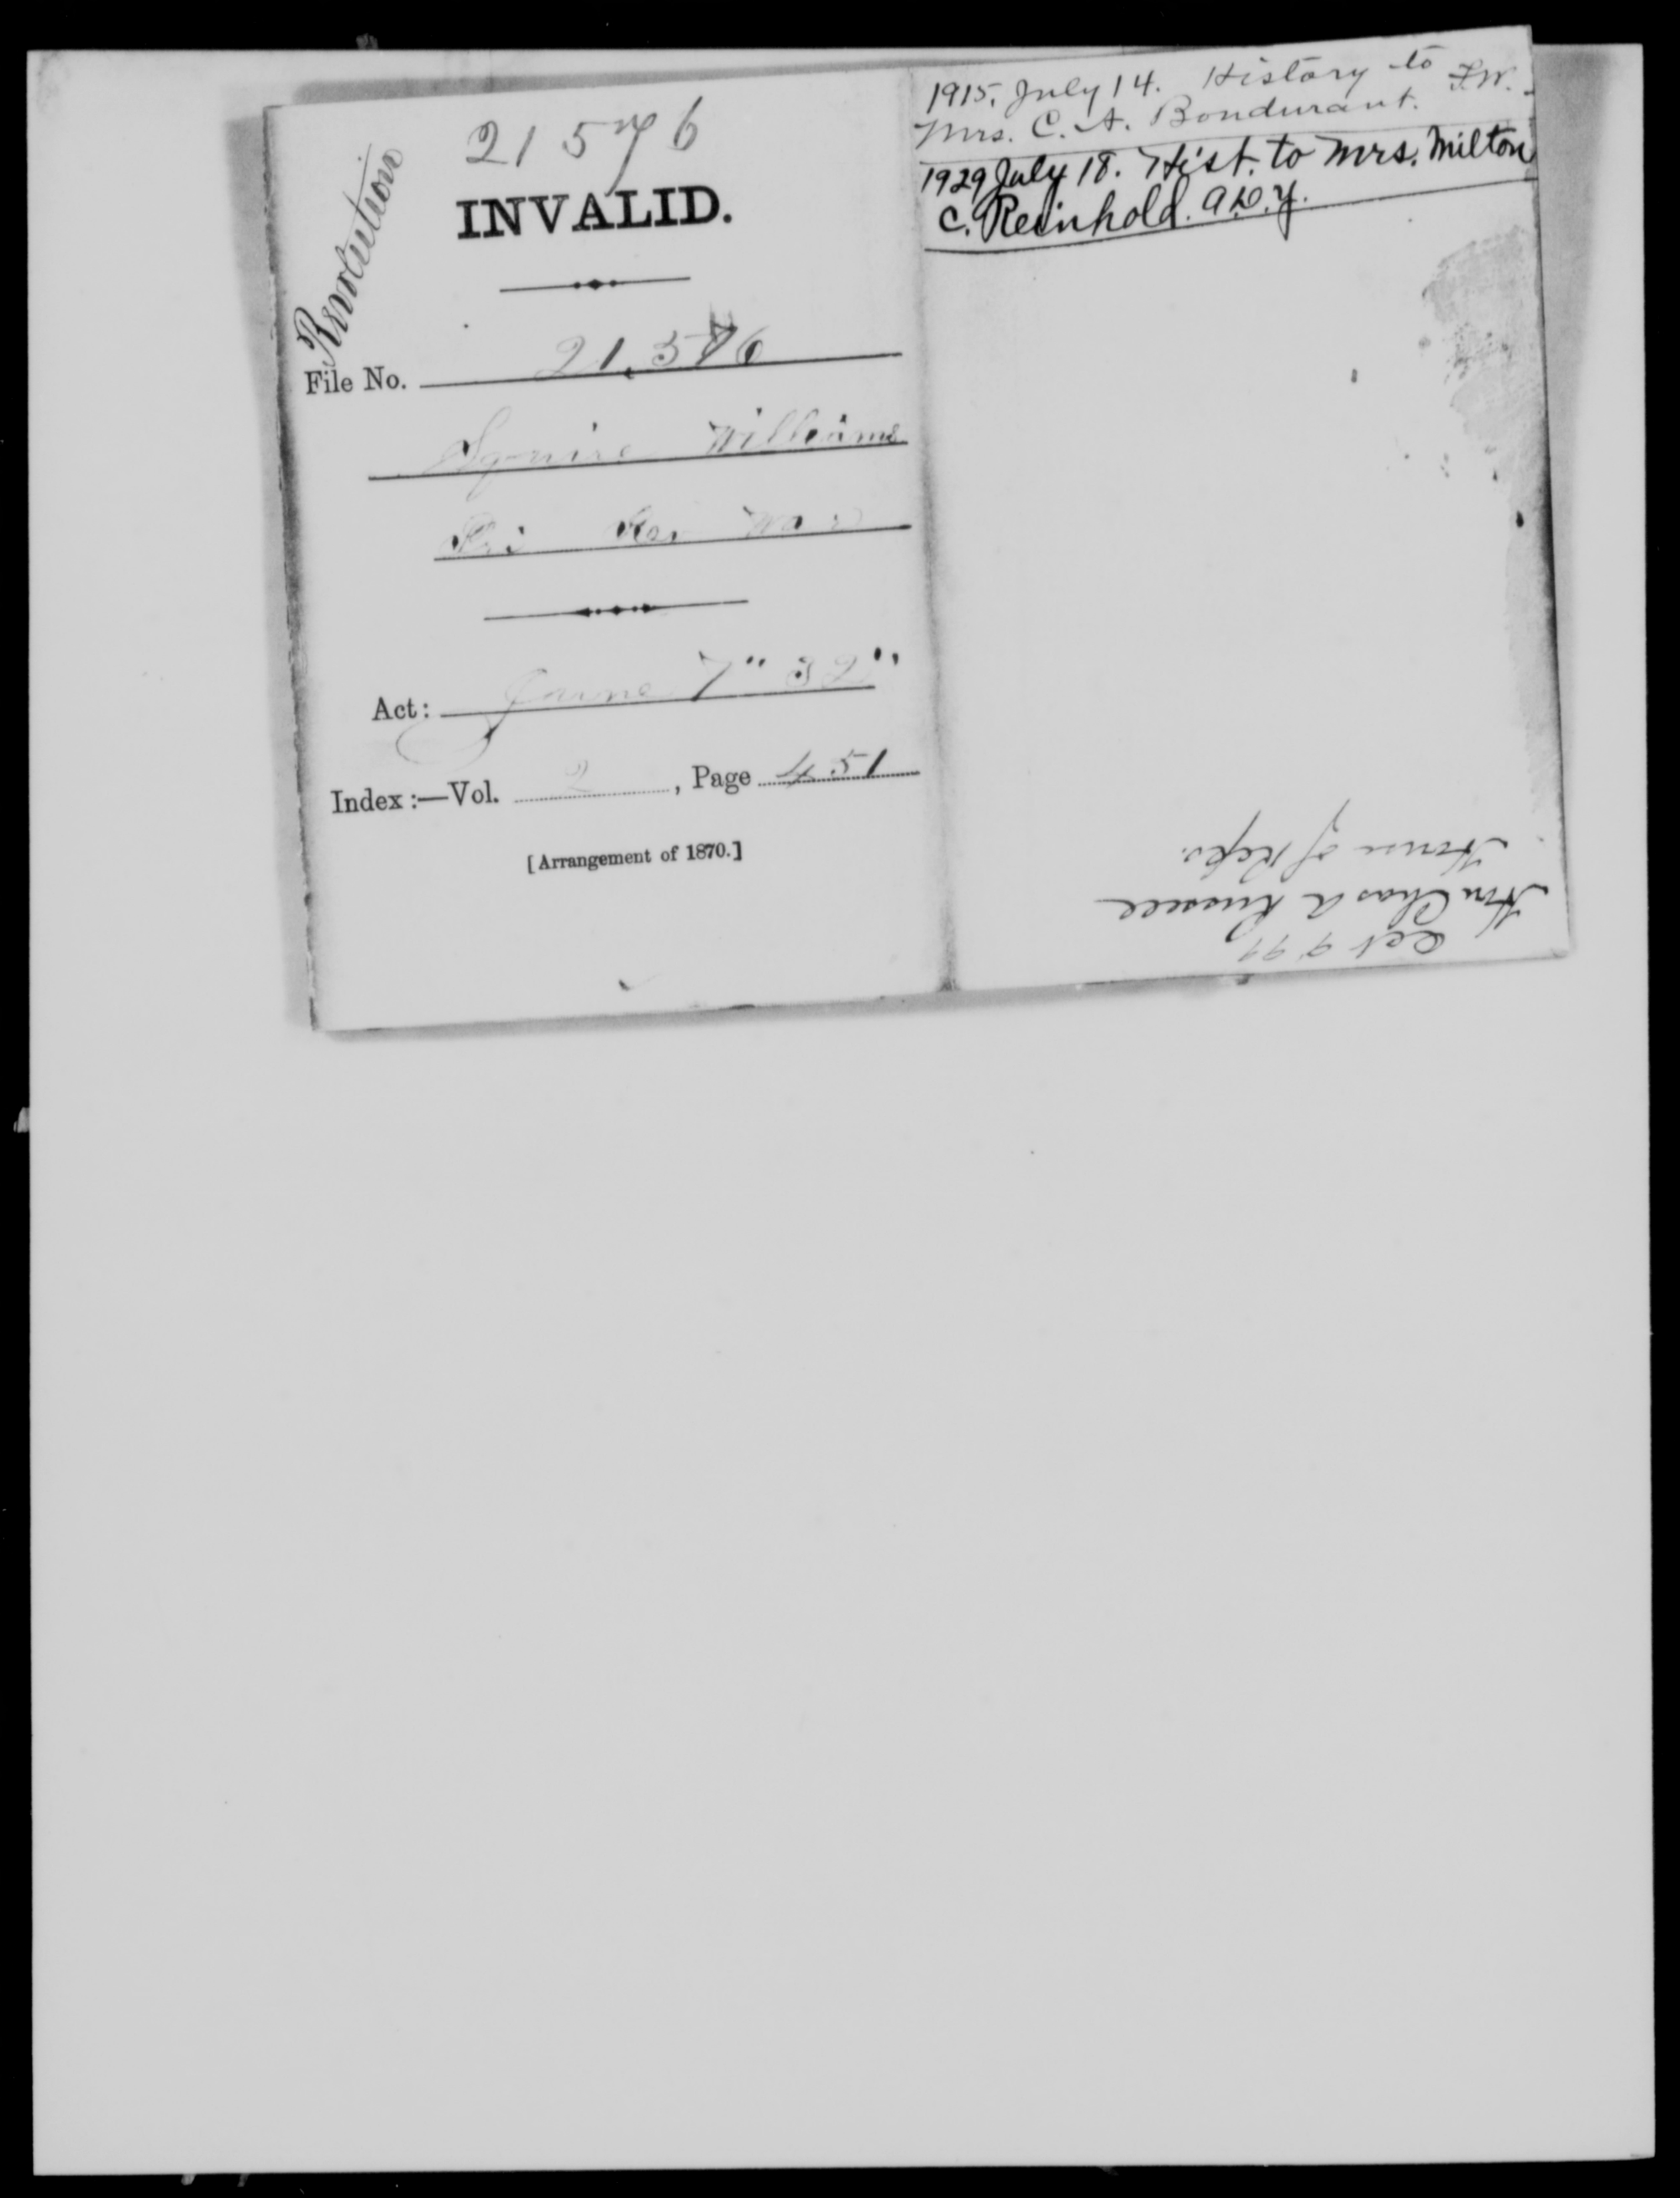(Right side of page)

21576
INVALID.
(Handwritten upper left corner) Revolution
File No. 21576
Squire Williams
Pri. Rev War
Act: June 7" 32"
Index: - Vol. 2, Page 451
[Arrangement of 1870.]

(Left side of page)

1915, July 14. History to
Mrs. C.A. Bondurant F.W.
1929 July 18. Hist. to Mrs. Milton C. Reinhold A.D.Y.

(Handwritten upside down on bottom of page)

Oct 9' 99
Mrs. Chas A Russell
House of Reps.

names: C A Bondurant, Squire Williams, Chas A Russell, Milton C Reinhold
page: 12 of 23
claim: survivor's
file: S. 21576, Squire Williams, R. I.